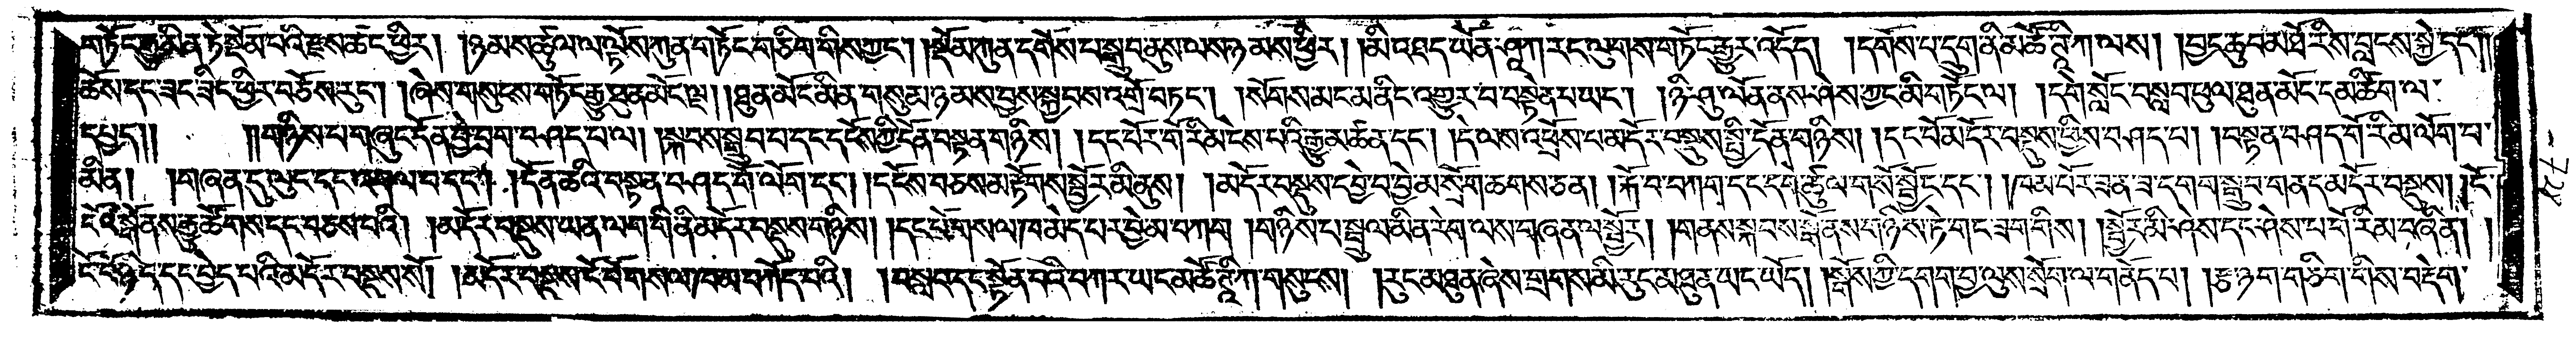གཏོང་རྒྱུ་མིན་ཏེ་སྡོམ་པའི་རྗེས་ཚང་ཕྱིར། །ཉམས་ཚུལ་ལ་ལྟོས་ཀུན་གཏོང་གཅིག་གིས་ཀྱང་། །སྡོམ་ཀུན་དགོས་བ་སྒྲུབ་ནུས་ལས་ཉམས་པྱིར། །མི་འཐད་ཡོན་ཤྰྐ་རང་ལུགས་གཏོང་རྒྱུར་འདོད། །དགོས་པ་དྲུག་ནི་མཚོ་ཊཱིཀ་ལས། །བྱང་ཆུབ་མཐོ་རིས་བླངས་སྐྱེ་དང།།
ཆོས་དང་ཟང་ཟིང་ཕྱིར་བཅོས་རུང་། །ཞེས་གསུངས་གཏོང་རྒྱུ་ཐུན་མོང་ལྔ། །ཐུན་མོང་མིན་གསུམ་ཉམས་བྱས་སྐྱབས་འགྲོ་བཏང་། །སོགས་མང་མ་ནིང་འགྱུར་བ་བསྟེན་པ་ཡང་། །ཉི་ཤུ་ལོན་ནས་ཤེས་ཀྱང་མི་གཏོང་ལ། །དགེ་སློང་བསླབ་ཕུལ་ཐུན་མོང་དམ་ཚིག་ལ་
དཔྱད།། །།གཉིས་པ་གཞུང་དོན་བྱེ་བྲག་བཤད་པ་ལ། །སྐབས་སྒྲུབ་པ་དང་དངོས་ཀྱི་དོན་བསྟན་གཉིས། །དང་པོར་གོ་རིམ་ངེས་པའི་རྒྱུ་མཚན་དང་། །དེ་ལས་འཕྲོས་པ་མདོར་བསྡུས་སྤྱི་དོན་གཉིས། །དང་པོ་མདོར་བསྡུས་ཕྱིས་བཤད་པ། །བསྟན་བཤད་གོ་རིམ་ལོག་པ་
མིན། །གཞན་དུ་ལུར་དང་འགལ་བ་དང་། །དོན་ཆའི་བསྟན་བཤད་གོ་ལོག་དང་། །དངོས་བཅས་མ་རྟོགས་སྦྱོར་མི་ནུས། །མདོར་བསྡུས་དབྱེ་བ་བྱེ་མ་སྲོག་ཆགས་ཅན། །རྐོ་བ་བཀག་དང་དགེ་ཚུལ་གསོ་སྦྱོང་དང་། །ཁམ་པོར་ཟན་ཟ་དགག་སྒྲུབ་གནད་མདོར་བསྡུས། །ངོ་
བོའི་སྒོ་ནས་རྒྱུ་ཚོགས་དང་བཅས་པའི། །མདོར་བསྡུས་ཡན་ལག་གི་ནི་མདོར་བསྡུས་གཉིས། །དང་པོ་གསལ་ཁ་མེད་པར་བྱེ་མ་བཀག །གཉིས་པ་སྦྲུལ་མིན་རེག་ལས་གཞན་ལ་སྦྱོར། །གནས་སྐབས་སྒོ་ནས་གཉིས་ཏེ་གང་ཟག་གིས། །སྦྱོར་མི་ཤེས་དང་ཤེས་པ་གོ་རིམ་བཞིན།
ངོ་བོ་ཉིད་དང་བྱེད་པའི་མདོར་བསྡུས་སོ། །མདོར་བསྡུས་ངོ་བོ་གསལ་ཁ་མ་བཀོད་བའི། །བསླབ་དང་སྟོན་པའི་བཀར་ཡང་མཚོ་ཊཱིཀ་གསུངས། །རུང་མཐུན་ཞེས་གྲགས་མི་རུང་མཐུན་ཡང་ཡོད། །སྒོས་ཀྱི་དགག་བྱ་ལུས་སྲོག་ལ་གནོད་པ། །རྩ་ཉག་གཅིག་གིས་བརྡེག།